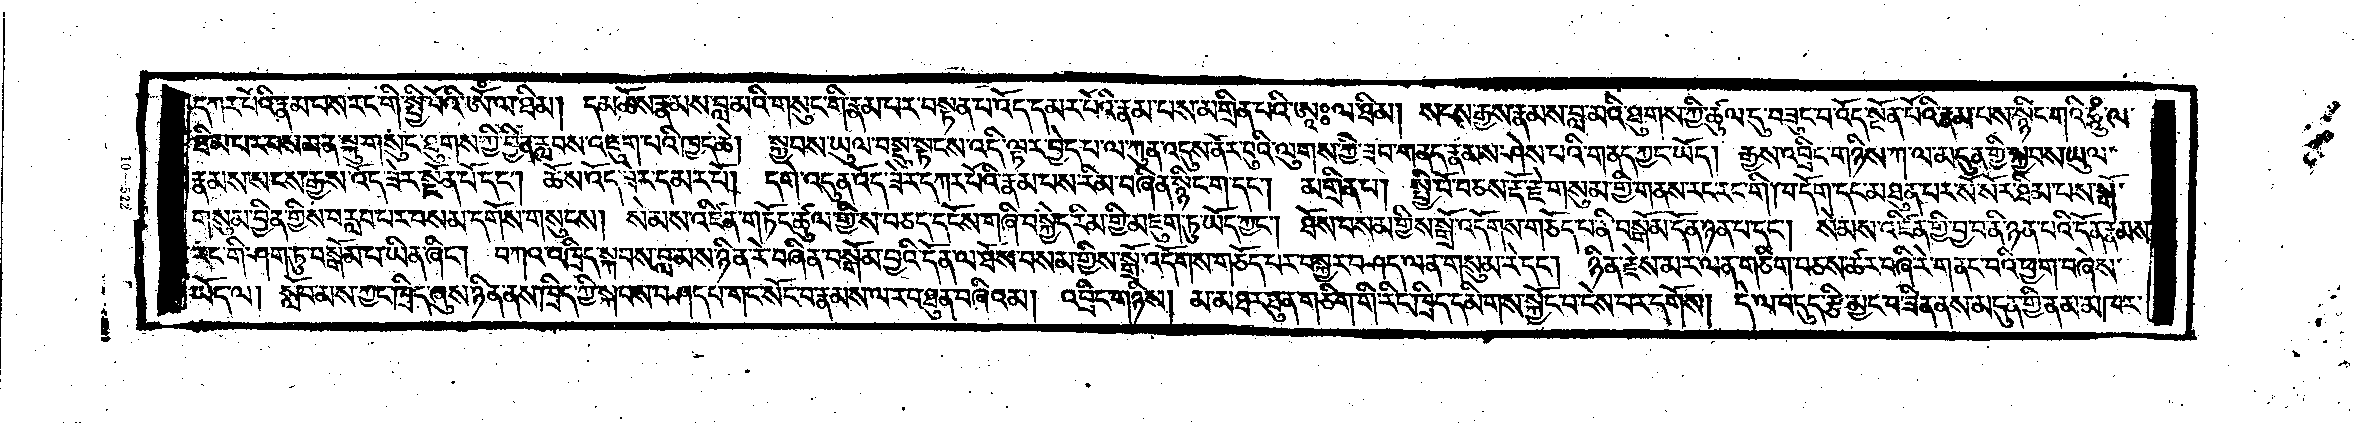དཀར་པོའི་རྣམ་པས་རང་གི་སྤྱི་བོའི་ཨོཾ་ལ་ཐིམ། དམ་ཆོས་རྣམས་བླ་མའི་གསུང་གི་རྣམ་པར་བསྟན་པ་འོད་དམར་པོའི་རྣམ་པས་མགྲིན་པའི་ཨཱཿ ལ་ཐིམ། སངས་རྒྱས་རྣམས་བླ་མའི་ཐུགས་ཀྱི་ཚུལ་དུ་བཟུང་བ་འོད་སྔོན་པོའི་རྣམ་པས་སྙིང་གའི་ཧཱུཾ་ལ་
ཐིམ་པར་བསམ་ན་སྐུ་གསུང་ཐུགས་ཀྱི་བྱིན་རླབས་འཇུག་པའི་ཁྱད་ཆེ། སྐྱབས་ཡུལ་བསྡུ་སྟངས་འདི་ལྟར་བྱེད་པ་ལ་ཀུན་འདུས་ནོར་བུའི་ལུགས་ཀྱི་ཟབ་གནད་རྣམས་ཤེས་པའི་གནད་ཀྱང་ཡོད། རྒྱས་འབྲིང་གཉིས་ཀ་ལ་མདུན་གྱི་སྐྱབས་ཡུལ་
རྣམས་སངས་རྒྱས་འོད་ཟེར་སྔོན་པོ་དང་། ཆོས་འོད་ཟེར་དམར་པོ། དགེ་འདུན་འོད་ཟེར་དཀར་པོའི་རྣམ་པས་རིམ་བཞིན་སྙིང་ག་དང་། མ་གྲིན་པ། སྤྱི་བོ་བཅས་རྡོ་རྗེ་གསུམ་གྱི་གནས་རང་རང་གི་ཁ་དོག་དང་མཐུན་པར་སོ་སོར་ཐིམ་པས་སྒོ་
གསུམ་བྱིན་གྱིས་བརླབ་པར་བསམ་དགོས་གསུངས། སེམས་འཛིན་གཏོང་ཚུལ་གྱི་ས་བཅད་དངོས་གཞི་བསྐྱེད་རིམ་གྱི་མཇུག་ཏུ་ཡོད་ཀྱང་། ཐོས་བསམ་གྱིས་སྒྲོ་འདོགས་གཅོད་པ་ནི་བསྒོམ་དོན་ཉན་པ་དང་། སེམས་འཛིན་གྱི་བྱ་བ་ནི་ཉན་པའི་དོན་རྣམས་
རང་གི་ཤག་ཏུ་བསྒོམ་པ་ཡིན་ཞིང་། བཀའ་འཁྲིད་སྐབས་བླ་མས་ཉིན་རེ་བཞིན་བསྒོམ་བྱའི་དོན་ལ་ཐོས་བསམ་གྱིས་སྒྲོ་འདོགས་གཅོད་པར་བསྐྱར་བཤད་ལན་གསུམ་རེ་དང་། ཉིན་རྗེས་མར་ལན་གཅིག་བཅས་ཚར་བཞི་རེ་གནང་བའི་ཕྱག་བཞེས་
ཡོད་ལ། སློབ་མས་ཀྱང་ཁྲིད་ཞུས་ཉིན་ནས་ཁྲིད་ཀྱི་སྐབས་བཤད་པ་གང་སོང་བ་རྣམས་ལ་རབ་ཐུན་བཞིའམ། འབྲིང་གཉིས། མ་མཐར་ཐུན་གཅིག་གི་རིང་ཁྲིད་དམིགས་སྐྱོང་བ་ངེས་པར་དགོས། དེ་ལ་བདུད་རྩི་མྱང་བ་ཟིན་ནས་མདུན་གྱི་ནམ་མཁར་